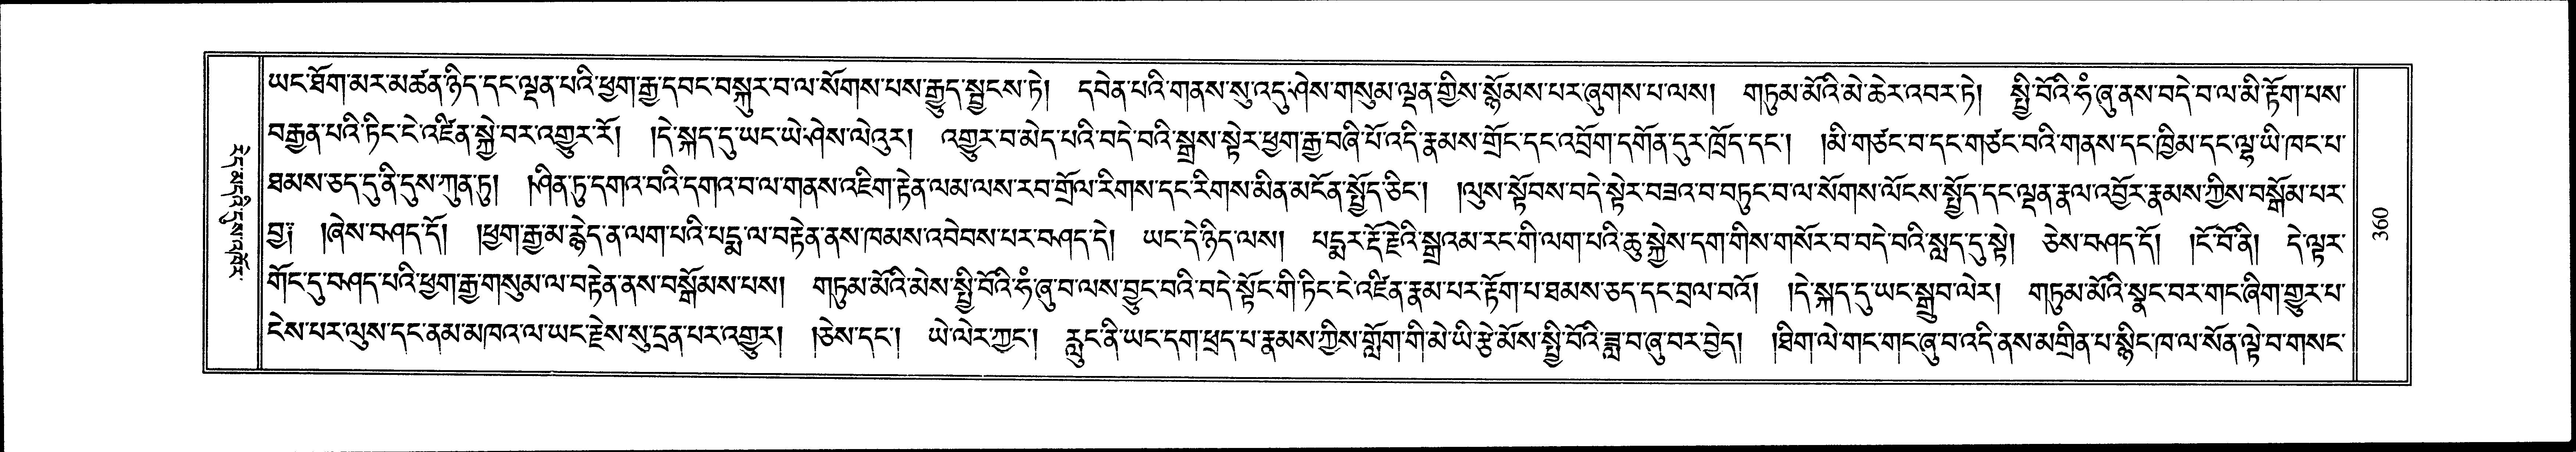ཡང་ཐོག་མར་མཚན་ཉིད་དང་ལྡན་པའི་ཕྱག་རྒྱ་དབང་བསྐུར་བ་ལ་སོགས་པས་རྒྱུད་སྦྱངས་ཏེ། དབེན་པའི་གནས་སུ་འདུ་ཤེས་གསུམ་ལྡན་གྱིས་སྙོམས་པར་ཞུགས་པ་ལས། གཏུམ་མོའི་མེ་ཆེར་འབར་ཏེ། སྤྱི་བོའི་ཧཾ་ཞུ་ནས་བདེ་བ་ལ་མི་རྟོག་པས་
བརྒྱན་པའི་ཏིང་ངེ་འཛིན་སྐྱེ་བར་འགྱུར་རོ། །དེ་སྐད་དུ་ཡང་ཡེ་ཤེས་ལེའུར། འགྱུར་བ་མེད་པའི་བདེ་བའི་སྒྲས་སྟེར་ཕྱག་རྒྱ་བཞི་པོ་འདི་རྣམས་གྲོང་དང་འབྲོག་དགོན་དུར་ཁྲོད་དང་། །མི་གཙང་བ་དང་གཙང་བའི་གནས་དང་ཁྱིམ་དང་ལྷ་ཡི་ཁང་པ་
ཐམས་ཅད་དུ་ནི་དུས་ཀུན་ཏུ། །ཤིན་ཏུ་དགའ་བའི་དགའ་བ་ལ་གནས་འཇིག་རྟེན་ལམ་ལས་རབ་གྲོལ་རིགས་དང་རིགས་མིན་མངོན་སྤྱོད་ཅིང་། །ལུས་སྟོབས་བདེ་སྟེར་བཟའ་བ་བཏུང་བ་ལ་སོགས་ལོངས་སྤྱོད་དང་ལྡན་རྣལ་འབྱོར་རྣམས་ཀྱིས་བསྒོམ་པར་
བྱ། །ཞེས་བཤད་དོ། །ཕྱག་རྒྱ་མ་རྙེད་ན་ལག་པའི་པདམ་ལ་བརྟེན་ནས་ཁམས་འབེབས་པར་བཤད་དེ། ཡང་དེ་ཉིད་ལས། པདམར་རྡོ་རྗེའི་སྒྲའམ་རང་གི་ལག་པའི་ཆུ་སྐྱེས་དག་གིས་གསོར་བ་བདེ་བའི་སླད་དུ་སྟེ། ཅེས་བཤད་དོ། །ངོ་བོ་ནི། དེ་ལྟར་
གོང་དུ་བཤད་པའི་ཕྱག་རྒྱ་གསུམ་ལ་བརྟེན་ནས་བསྒོམས་པས། གཏུམ་མོའི་མེས་སྤྱི་བོའི་ཧཾ་ཞུ་བ་ལས་བྱུང་བའི་བདེ་སྟོང་གི་ཏིང་ངེ་འཛིན་རྣམ་པར་རྟོག་པ་ཐམས་ཅད་དང་བྲལ་བའོ། །དེ་སྐད་དུ་ཡང་སྒྲུབ་ལེར། གཏུམ་མོའི་སྣང་བར་གང་ཞིག་གྱུར་པ་
ངེས་པར་ལུས་དང་ནམ་མཁའ་ལ་ཡང་རྗེས་སུ་དྲན་པར་འགྱུར། །ཅེས་དང་། ཡེ་ལེར་ཀྱང་། རླུང་ནི་ཡང་དག་ཕྲད་པ་རྣམས་ཀྱིས་གློག་གི་མེ་ཡི་རྩེ་མོས་སྤྱི་བོའི་ཟླ་བ་ཞུ་བར་བྱེད། །ཐིག་ལེ་གང་གང་ཞུ་བ་འདི་ནས་མགྲིན་པ་སྙིང་ཁ་ལ་སོན་ལྟེ་བ་གསང་